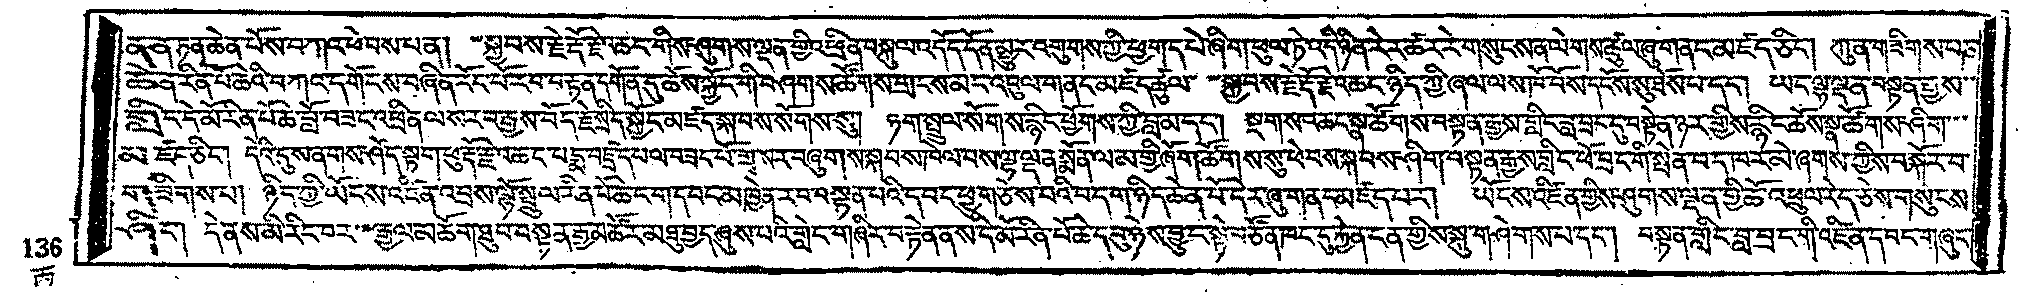ནན་ཏན་ཆེན་པོས་བཀའ་ཕེབས་པ་ན། ༧སྐྱབས་རྗེ་རྡོ་རྗེ་འཆང་གིས་ཤུགས་ལྡན་གྱི་འཕྲིན་བསྐུལ་འདོད་དོན་མྱུར་འགུགས་ཀྱི་ཕྱག་དཔེ་ཞིག་ཕུལ་ཏེ་འདི་ཉིན་རེར་ཚར་རེ་གསུངས་ན་ལེགས་ཚུལ་ཞུ་གནང་མཛད་ཅིང་། ཀུན་གཟིགས་པཎ་
ཆེན་རིན་པོ་ཆེའི་བཀའ་དགོངས་བཞིན་རོང་པོ་རབ་བརྟན་དགོན་དུ་ཆོས་སྐྱོང་གི་བཤགས་ཚོགས་གྲངས་མང་འབུལ་གནང་མཛད་ཚུལ་༧སྐྱབས་རྗེ་རྡོ་རྗེ་འཆང་ཉིད་ཀྱི་ཞལ་ལས་ཁོ་བོས་དངོས་སུ་ཐོས་པ་དང་། ཡང་ལྷ་ལྡན་བསྟན་རྒྱས་
གླིང་དེ་མོ་རིན་པོ་ཆེ་བློ་བཟང་འཕྲིན་ལས་རབ་རྒྱས་བོད་རྗེ་སྲིད་སྐྱོང་མཛད་སྐབས་སོགས་སུ། ཉག་སྤྲུལ་སོགས་རྙིང་ཕྱོགས་ཀྱི་བླ་མ་དང་། སྔགས་འཆང་སྣ་ཚོགས་བསྟན་རྒྱས་གླིང་བླ་བྲང་དུ་བསྟེན་ཉར་གྱིས་རྙིང་ཆོས་སྣ་ཚོགས་ཤིག་
མཛད་ཅིང་། དེའི་དུས་ནགས་ཤོད་སྟག་ཕུ་རྡོ་རྗེ་འཆང་པདམ་བཛྲ་དཔལ་བཟང་པོ་གྲྭ་སར་བཞུགས་སྐབས་ཁེལ་བས་ལྷ་ལྡན་སྨོན་ལམ་གྱི་ཞོག་ཚོགས་སུ་ཕེབས་སྐབས་ཤིག་བསྟན་རྒྱས་གླིང་ཕོ་བྲང་གི་སྤེན་བད་ཁར་མེ་ཞགས་ཀྱིས་བསྐོར་བ་
གཟིགས་པ། ཉིད་ཀྱི་ཡོངས་འཛིན་འབྲས་ལྷོ་སྤྲུལ་རིན་པོ་ཆེ་ངག་དབང་མཁྱེན་རབ་བསྟན་པའི་དབང་ཕྱུག་ཅེས་པའི་བདག་ཉིད་ཆེན་པོ་དེར་ཞུ་གནང་མཛད་པར། ཡོངས་འཛིན་གྱིས་ཤུགས་ལྡན་གྱི་ཆོ་འཕྲུལ་རེད་ཅེས་གསུངས་
ཤིང་། དེ་ནས་མི་རིང་བར་༧རྒྱལ་མཆོག་ཐུབ་བསྟན་རྒྱ་མཚོར་མཐུ་བྱད་ཞུས་པའི་གླེང་གཞིར་བརྟེན་ནས་དེ་མོ་རིན་པོ་ཆེ་དབུ་ཉེས་བྱུང་སྟེ་བཙོན་ཁང་དུ་རྐྱེན་ངན་གྱིས་སྐུ་གཤེགས་པ་དང་། བསྟན་གླིང་བླ་བྲང་གི་འཛིན་དབང་གཞུང་